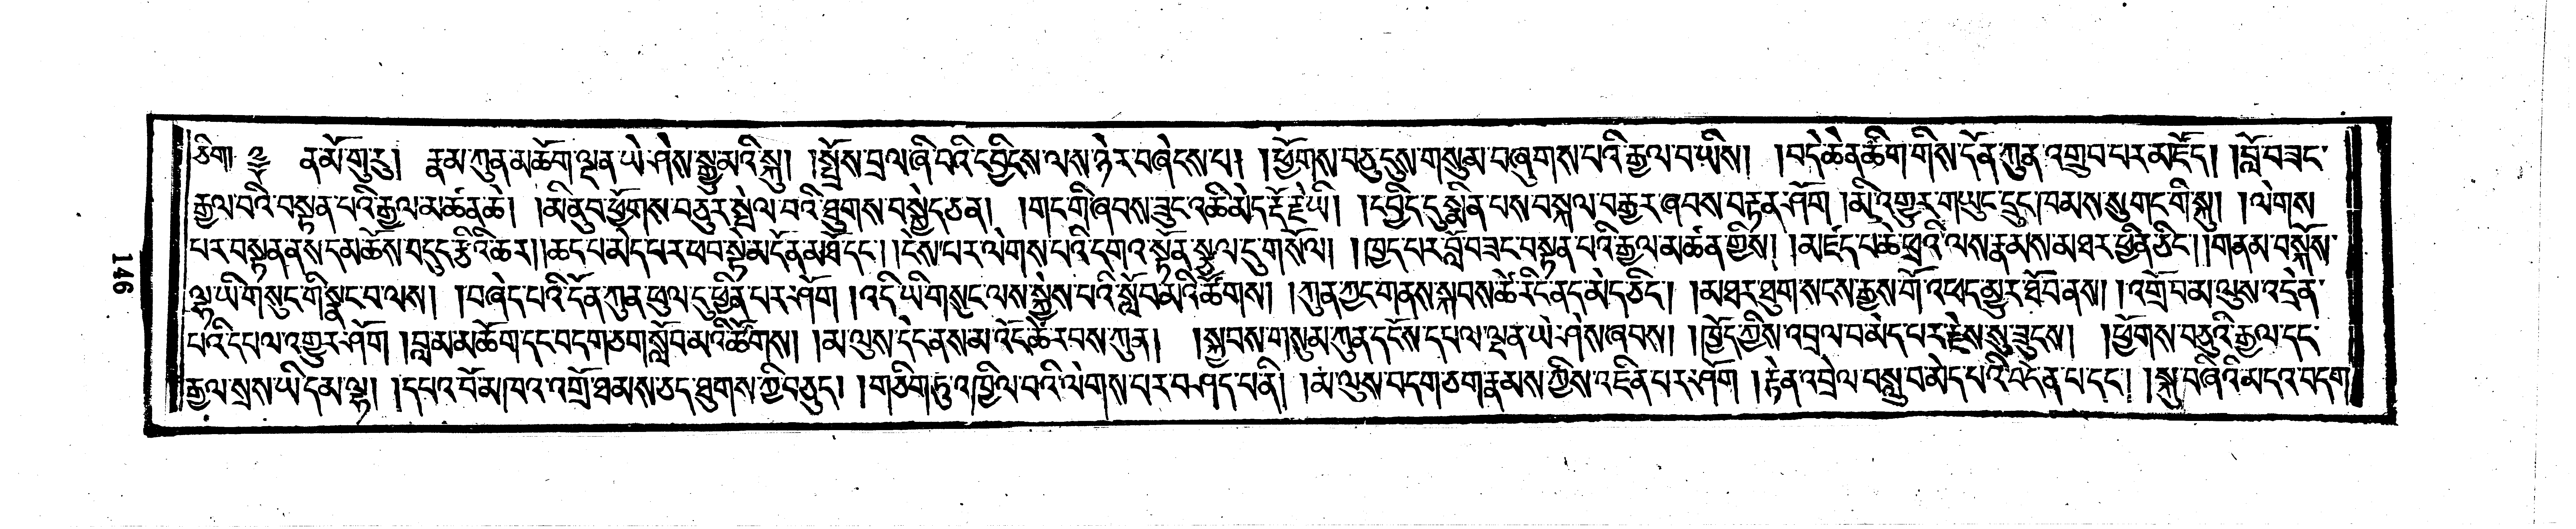ཅིག། ༈ ན་མོ་གུ་རུ། རྣམ་ཀུན་མཆོག་ལྡན་ཡེ་ཤེས་སྒྱུ་མའི་སྐུ། །སྤྲོས་བྲལ་ཞི་བའི་དབྱིངས་ལས་ཉེར་བཞེངས་པ། །ཕྱོགས་བཅུ་དུས་གསུམ་བཞུགས་པའི་རྒྱལ་བ་ཡིས། །བདེ་ཆེན་ཚིག་གིས་དོན་ཀུན་འགྲུབ་པར་མཛོད། །བློ་བཟང་
རྒྱལ་བའི་བསྟན་པའི་རྒྱལ་མཚན་ཆེ། །མི་ནུབ་ཕྱོགས་བཅུར་སྤེལ་བའི་ཐུགས་བསྐྱེད་ཅན། །གང་གི་ཞབས་ཟུང་འཆི་མེད་རྡོ་རྗེ་ཡི། །དབྱིད་དུ་སྨིན་པས་བསྐལ་བརྒྱར་ཞབས་བརྟན་ཤོག །མི་འགྱུར་གཡུང་དྲུང་ཁམས་སུ་གང་གི་སྐུ། །ལེགས་
པར་བསྟན་ནས་དམ་ཆོས་བདུད་རྩིའི་ཆར། །ཆད་པ་མེད་པར་ཕབ་སྟེ་མདོན་མཐོ་དང་། །ངེས་པར་ལེགས་པའི་དགའ་སྟོན་སྩལ་དུ་གསོལ། །ཁྱད་པར་བློ་བཟང་བསྟན་པའི་རྒྱལ་མཚན་གྱིས། །མཛད་པ་ཆེ་ཕྲའི་ལས་རྣམས་མཐར་ཕྱིན་ཅིང་། །གནམ་བསྐོས་
ལྷ་ཡི་གསུང་གི་སྣང་བ་ལས། །བཞེད་པའི་དོན་ཀུན་ཕུལ་དུ་ཕྱིན་པར་ཤོག །འདི་ཡི་གསུང་ལས་སྐྱེས་པའི་སློབ་མའི་ཚོགས། །ཀུན་ཀྱང་གནས་སྐབས་ཚེ་རིང་ནད་མེད་ཅིང་། །མཐར་ཐུག་སངས་རྒྱས་གོ་འཕང་མྱུར་ཐོབ་ནས། །འགྲོ་བ་མ་ལུས་འདྲེན་
པའི་དཔལ་འགྱུར་ཤོག །བླ་མ་མཆོག་དང་བདག་ཅག་སློབ་མའི་ཚོགས། །མ་ལུས་དེང་ནས་མ་འོང་ཚེ་རབས་ཀུན། །སྐྱབས་གསུམ་ཀུན་དངོས་དཔལ་ལྡན་ཡེ་ཤེས་ཞབས། །ཁྱོད་ཀྱིས་འབྲལ་བ་མེད་པར་རྗེས་སུ་ཟུངས། །ཕྱོགས་བཅུའི་རྒྱལ་དང་
རྒྱལ་སྲས་ཡི་དམ་ལྷ། །དཔའ་བོ་མཁའ་འགྲོ་ཐམས་ཅད་ཐུགས་ཀྱི་བཅུད། །གཅིག་ཏུ་འཁྱིལ་བའི་ལེགས་པར་བཤད་པ་ནི། །མ་ལུས་བདག་ཅག་རྣམས་ཀྱིས་འཛིན་པར་ཤོག །རྟེན་འབྲེལ་བསླུ་བ་མེད་པའི་བདེན་པ་དང་། །སྐུ་བཞིའི་མདའ་བདག་